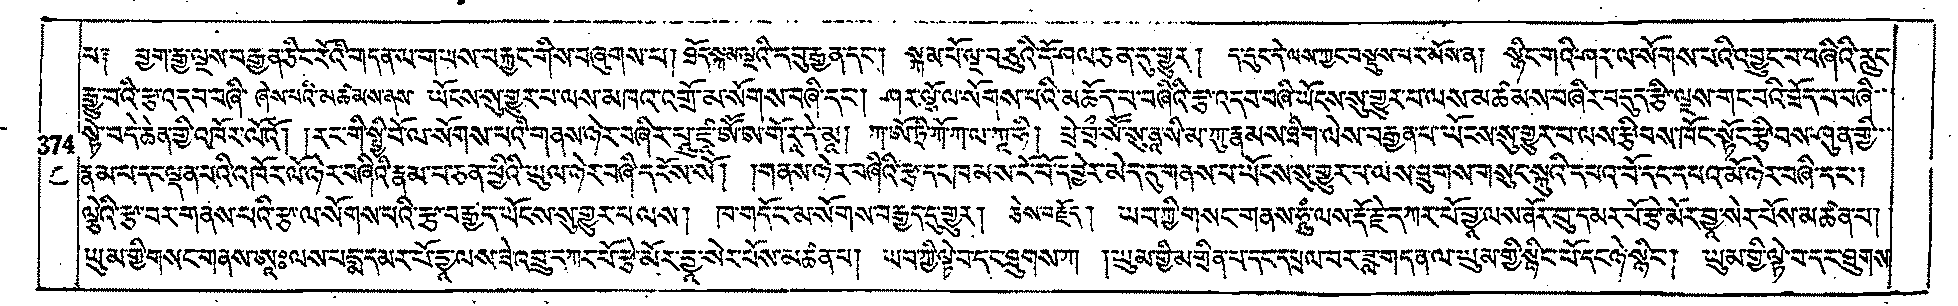པ༑ ཕྱག་རྒྱ་ལྔས་བརྒྱན་ཅིང་རོའི་གདན་ལ་གཡས་བརྐྱང་གིས་བཞུགས་པ། ཐོད་སྐམ་ལྔའི་དབུ་རྒྱན་དང་། སྐམ་པོ་ལྔ་བཅུའི་དོ་ཤལ་ཅན་དུ་གྱུར། ད་དུང་དེ་ལས་ཀྱང་བསྡུས་པར་མོས་ན།  སྙིང་གའི་ཤར་ལ་སོགས་པའི་འབྱུང་བ་བཞིའི་རླུང་
རྒྱུ་བའི་རྩ་འདབ་བཞི་ཞེས་པའི་མཚམས་ནས་ཡོངས་སུ་གྱུར་པ་ལས་མཁའ་འགྲོ་མ་སོགས་བཞི་དང་། ཤར་ལྷོ་ལ་སོགས་པའི་མཆོད་པ་བཞིའི་རྩ་འདབ་བཞི་ཡོངས་སུ་གྱུར་པ་ལས་མཚམས་བཞིར་བདུད་རྩི་ལྔས་གང་བའི་ཐོད་པ་བཞི་་་
སྟེ་བདེ་ཆེན་གྱི་འཁོར་ལོའོ། །རང་གི་སྤྱི་བོ་ལ་སོགས་པའི་གནས་ཉེར་བཞིར་པཱུ་ཛཱ་ཨཽ་ཨ་གོ་རཱ་དེ་མཱ། ཀ་ཨོ་ཏྲི་ཀོ་ཀ་ལ་ཀཱ་ཧི། པྲེ་གྲྀ་སཽ་སུ་ནཱ་སི་མ་ཀུ་རྣམས་ཐིག་ལེས་བརྒྱན་པ་ཡོངས་སུ་གྱུར་པ་ལས་རྩིབས་ཁོང་སྟོང་རྩིབས་ཤུན་གྱི་་་
རྣམ་པ་དང་ལྡན་པའི་འཁོར་ལོ་ཉེར་བཞིའི་རྣམ་པ་ཅན་ཕྱིའི་ཡུལ་ཉེར་བཞི་དངོས་སོ། །གནས་ཉེར་བཞིའི་རྩ་དང་ཁམས་ངོ་བོ་དབྱེར་མེད་དུ་གནས་པ་ཡོངས་སུ་གྱུར་པ་ལས་ཐུགས་གསུང་སྐུའི་དཔའ་བོ་དང་དཔའ་མོ་ཉེར་བཞི་དང་།
ལྕེའི་རྩ་བར་གནས་པའི་རྩ་ལ་སོགས་པའི་རྩ་བརྒྱད་ཡོངས་སུ་གྱུར་པ་ལས། ཁ་གདོང་མ་སོགས་བརྒྱད་དུ་གྱུར། ཅེས་བརྗོད།  ཡབ་ཀྱི་གསང་གནས་ཧཱུཾ་ལས་རྡོ་རྗེ་དཀར་པོ་བྱཱ་ལས་ནོར་བུ་དམར་པོ་རྩེ་མོར་བྱཱ་སེར་པོས་མཚན་པ།
ཡུམ་གྱི་གསང་གནས་ཨཱཿལས་པདམ་དམར་པོ་དྱཱ་ལས་ཟེ་འབྲུ་དཀར་པོ་རྩེ་མོར་དྱཱ་སེར་པོས་མཚན་པ། ཡབ་ཀྱི་ལྟེ་བ་དང་ཐུགས་ཀ །ཡུམ་གྱི་མགྲིན་པ་དང་དཔྲལ་བར་ཟླ་གདན་ལ་ཡུམ་གྱི་སྙིང་པོ་དང་ཉེ་སྙིང་། ཡུམ་གྱི་ལྟེ་བ་དང་ཐུགས་